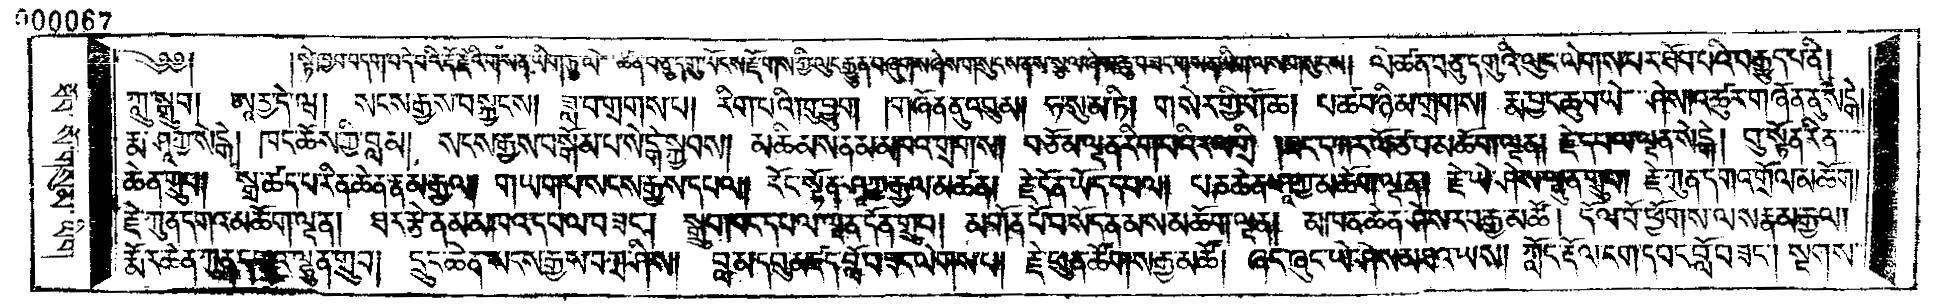༄༅། །སྟེ་ཁྱབ་བདག་བདེ་བའི་རྡོ་རྗེའི་གསན་ཡིག་ཏུ་ལེ་ཚན་བཅུ་དགུ་ཡོངས་རྫོགས་ཀྱི་ལུང་རྒྱུན་བཞུགས་ཞེས་གསུངས་ནས་སྩལ་ཞེས་ཆུ་བཟང་གསན་ཡིག་ལས་གསུངས། ལེ་ཚན་བཅུ་དགུའི་ལུང་ལེགས་པར་ཐོབ་པའི་བརྒྱུད་པ་ནི།
ཀླུ་སྒྲུབ། ཨཱརྱ་དེ་ཝ། སངས་རྒྱས་བསྐྱངས། ཟླ་བ་གྲགས་པ། རིག་པའི་ཁུ་བྱུག །གཞོན་ནུ་འབུམ། ཧ་སུ་མ་ཏི། གསེར་གྱི་གོ་ཆ། པ་ཚབ་ཉི་མ་གྲགས། རྨ་བྱང་ཆུབ་ཡེ་ཤེས་།འཚུར་གཞོན་ནུ་སེངྒེ།
རྨ་ཤཱཀྱ་སེངྒེ། ཁང་ཆོས་ཀྱི་བླ་མ། སངས་རྒྱས་བསྒོམ་པ་སེངྒེ་སྐྱབས། མཆིམས་ནམ་མཁའ་གྲགས། བཅོམ་ལྡན་རིག་པའི་རལ་གྲི་།ཟང་དཀར་ལོ་ཙ་བ་མཆོག་ལྡན། རྗེ་དཔལ་ལྡན་སེངྒེ། བུ་སྟོན་རིན་
ཆེན་གྲུབ། སྒྲ་ཚད་པ་རིན་ཆེན་རྣམ་རྒྱལ། གཡག་པ་སངས་རྒྱས་དཔལ། རོང་སྟོན་ཤཱཀྱ་རྒྱལ་མཚན། རྗེ་དོན་ཡོད་དཔལ། པཎ་ཆེན་ཤཱཀྱ་མཆོག་ལྡན། རྗེ་ཡེ་ཤེས་ལྷུན་གྲུབ། རྗེ་ཀུན་དགའ་གྲོལ་མཆོག།
རྗེ་ཀུན་དགའ་མཆོག་ལྡན། ཐར་རྩེ་ནམ་མཁའ་དཔལ་བཟང་། སྒྲུབ་ཁང་དཔལ་ལྡན་དོན་གྲུབ། མགོན་པོ་བསོད་ནམས་མཆོག་ལྡན། མཁན་ཆེན་ཤེས་རབ་རྒྱ་མཚོ། དོལ་བོ་ཕྱོགས་ལས་རྣམ་རྒྱལ།
རྨོར་ཆེན་ཀུན་དགའ་ལྷུན་གྲུབ། དྲུང་ཆེན་སངས་རྒྱས་བཀྲ་ཤིས། བླ་མ་དབུ་མཛད་བློ་བཟང་ལེགས་པ། རྗེ་ཕུན་ཚོགས་རྒྱ་མཚོ། ཞང་ཞུང་ཡེ་ཤེས་མཐའ་ཡས། ཀློང་རྡོལ་ངག་དབང་བློ་བཟང་། སྔགས་